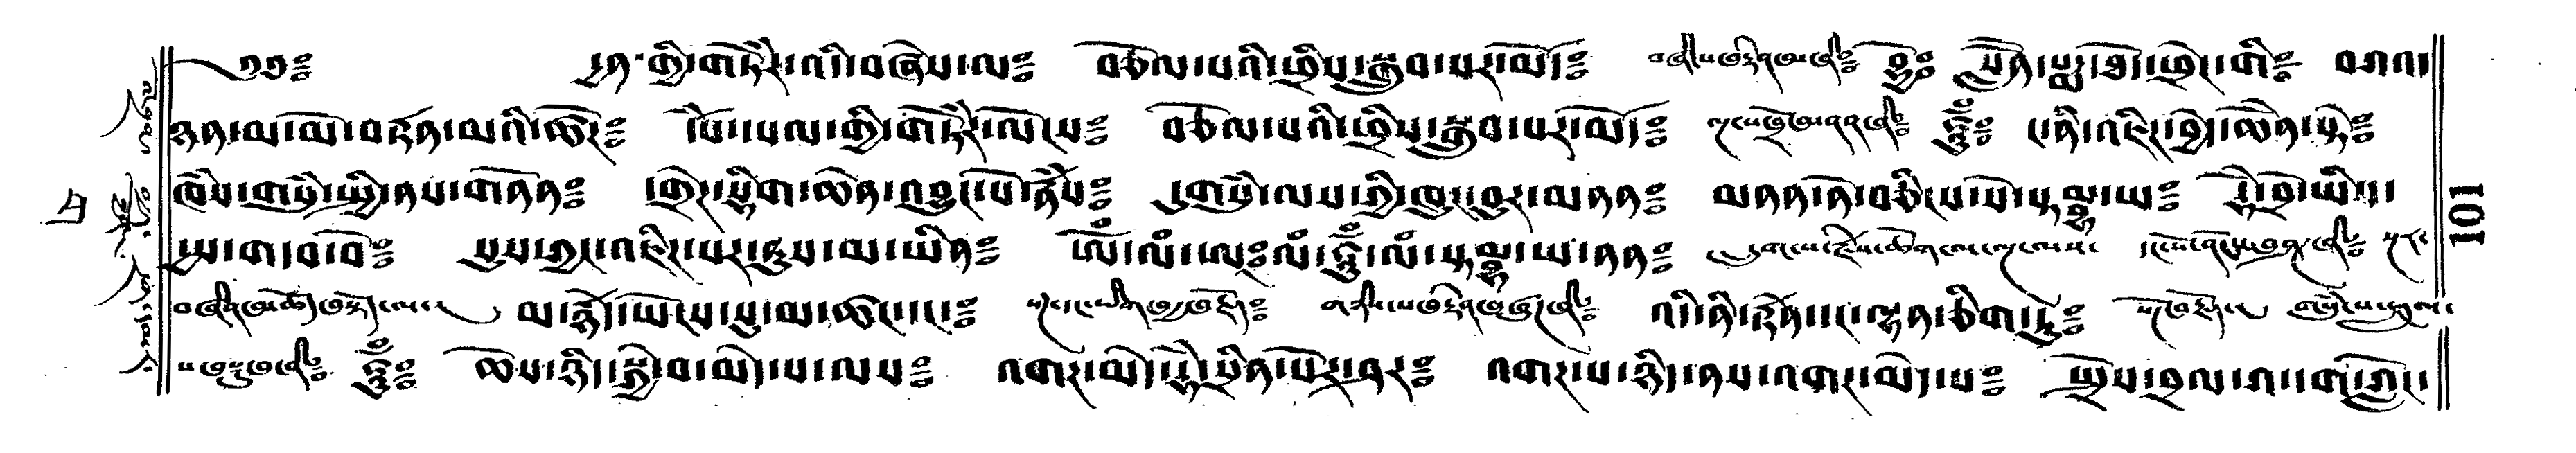རྒྱན་གྱི་གཏོར་མ་འདི་བཞེས་ལ༔ བཅོལ་པའི་ཕྲིན་ལས་སྒྲུབ་པར་མཛོད༔ བཞི་པ་བརྟན་མ་ནི། བྷྱོ༔ སློབ་དཔོན་པདྨ་ཐོད་ཕྲེང་གི༔ བཀའ་
ཉན་མ་མོ་བརྟན་མའི་ཚོགས༔ དམ་རྫས་དཔལ་གྱི་གཏོར་མ་ལོངས༔ བཅོལ་པའི་ཕྲིན་ལས་སྒྲུབ་པར་མཛོད༔ ལྔ་པ་བྲོ་མནན་ནི། ཧཱུྃ༔ ང་ནི་འཇིགས་བྱེད་ཆེན་པོ་སྟེ༔ 
ཁམས་གསུམ་སྲིད་གསུམ་སྤྱི་ནས་གནོན༔ དགྲ་བགེགས་སྡིག་ཆེན་འབྱུང་པོ་རྣམས༔ དུག་གསུམ་ལས་ཀྱི་ཁུང་བུར་མནན༔ མནན་ནོ་བཅིངས་སོ་སྟམྦྷ་ཡ༔ རྡོ་རྗེ་བྲོ་ཡིས་
རྒྱས་གདབ་བོ༔ སུས་ཀྱང་འཇིག་པར་ནུས་མ་ཡིན༔ ཨོཾ་ལཾ་ཨཱ༔ལཾ་ཧཱུྃ་ལཾ་སྟམྦྷ་ཡ་ནན༔ དྲུག་པ་རྗེས་ཆོག་ལ་ལྔ་ལས། དང་པོ་ནོངས་པ་བཤགས་པ་ནི། སྔར་
བཞིན་མཆོད་བསྟོད་ལ། མ་རྙེད་ཡོངས་སུ་ཚང་དང་སོགས་དང་ཡིག་བརྒྱ་བརྗོད། གཉིས་པ་བརྟན་བཞུགས་ནི།འདིར་ནི་རྟེན་དང་ལྷན་ཅིག་ཏུ་སོགས་བརྗོད། གསུམ་པ་སྤྲུལ་
པ་བསྡུ་བ་ནི། ཧཱུྃ༔ ཆོས་ཉིད་སྐྱེ་བ་མེད་པ་ལས༔ འགག་མེད་རྡོ་རྗེ་སྲིན་པོར་ཤར༔ འགག་པ་ཉིད་ནས་འགག་མེད་པ༔ སྤྲོས་བྲལ་ཀ་དག་ཀློང་